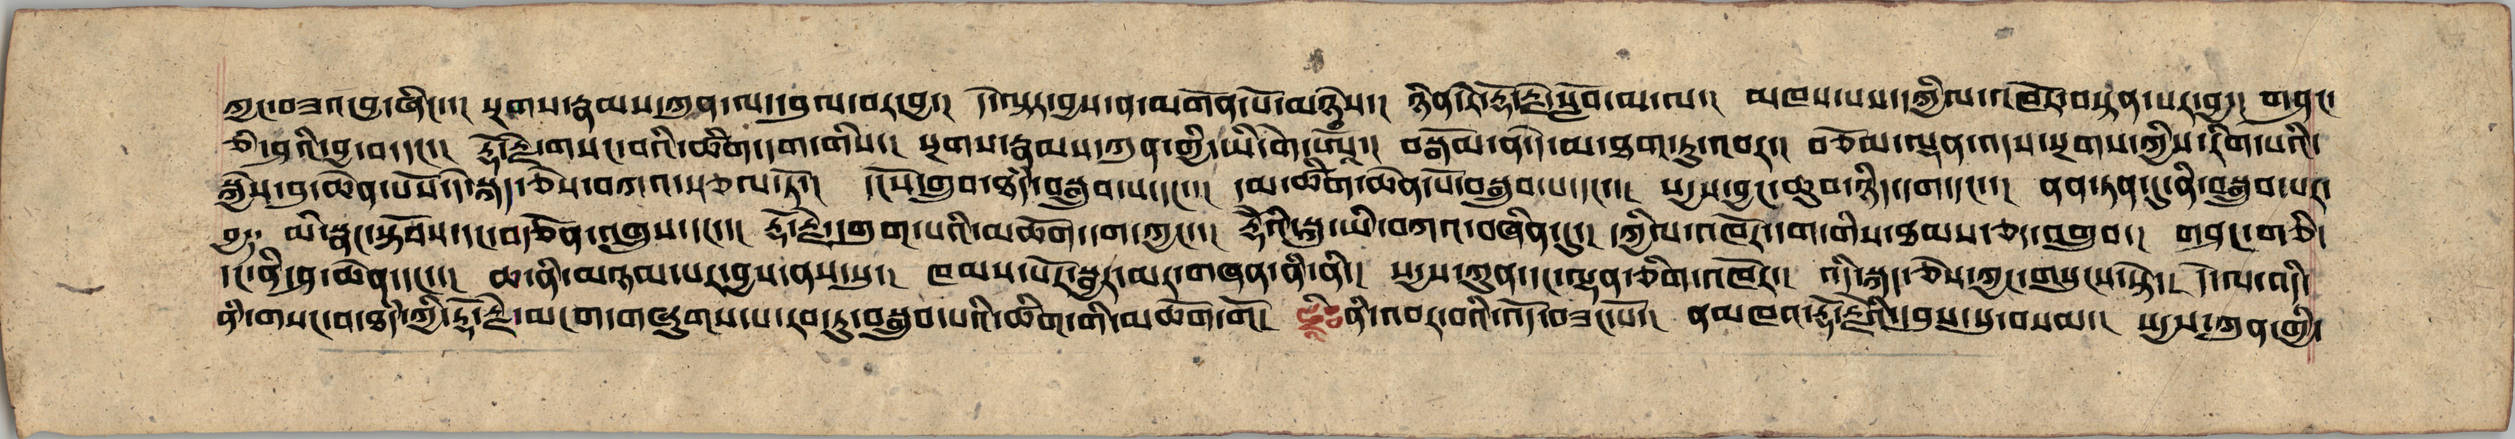ཀྱང་བཟའ་བྱ་ཞིང་་། སྔགས་རྣམས་ཀུན་ལ་དབུལ་བར་བྱ་། དེ་ལྟར་བྱས་ན་མགོན་པོ་མཉེས་། ཉིན་རེ་རྡོ་རྗེ་སློབ་མ་ལ་། མཁས་པས་དཀྱིལ་འཁོར་བསྟན་པར་བྱ་། གཤང་
ཅི་ཤའི་བྱ་བ་དང་་། རྡོ་རྗེ་གསང་བའི་ཚིག་དག་གིས་། སྔགས་རྣམས་ཀུན་གྱི་ཡི་གེ་ཨོཾ་། བསྒོམ་ན་དེ་མ་ཐག་ཏུ་འབར་། བཅོམ་ལྡན་འདས་སྔགས་ཀྱིས་རིག་པའི་
སྐྱེས་བུ་ཆེན་པོས་དེ་སྐད་ཅེས་བཀའ་སྩལ་ཏོ་། དངོས་གྲུབ་ཐཾད་བསྒྲུབ་པ་དང་་། དམ་ཚིག་ཆེན་པོ་བསྒྲུབ་པ་དང་་། སདྱས་བྱང་ཆུབ་ཉིད་དག་དང་་། ནན་ཏན་དུ་ནི་བསྒྲུབ་པར་
བྱ༑ མི་སྣང་སྟོབས་དང་བརྩོན་འགྲུས་དང་་། རྡོ་རྗེ་དགུག་པའི་མཆོག་དག་ཀྱང་་། རྡོེའི་སྐུ་ཡི་བཀའ་བཞིན་དུ་། དཀྱིལ་འཁོར་དག་གིས་ཐམས་ཅད་འགྲུབ་། གཤང་གཅི་
དང་ནི་ཤ་ཆེན་དང་་། ཆ་ནི་མཉམ་པར་བྱས་ནས་སུ་། ཁམས་སོར་སྦྱར་མར་གཞན་ནི་ནི་། སདྱས་ཀུན་དང་ལྡན་ཅིག་འཁོར་། འདི་སྐད་ཅེས་ཀྱང་གསུངས་སྟེ་། དེ་ལ་འདི་
ནི་གསང་བ་ཐཾད་ཀྱི་རྡོ་རྗེ་མངག་གཞུགས་པ་རབ་ཏུ་བསྒྲུབ་པའི་ཚིག་གི་མཆོག་གོ། ཧྲིཿནི་འབར་བའི་འོད་བཟང་པོ་། ནམཁའ་རྡོ་རྗེའི་དབུས་སུ་བསམ་། སདྱས་ཀུན་གྱི་